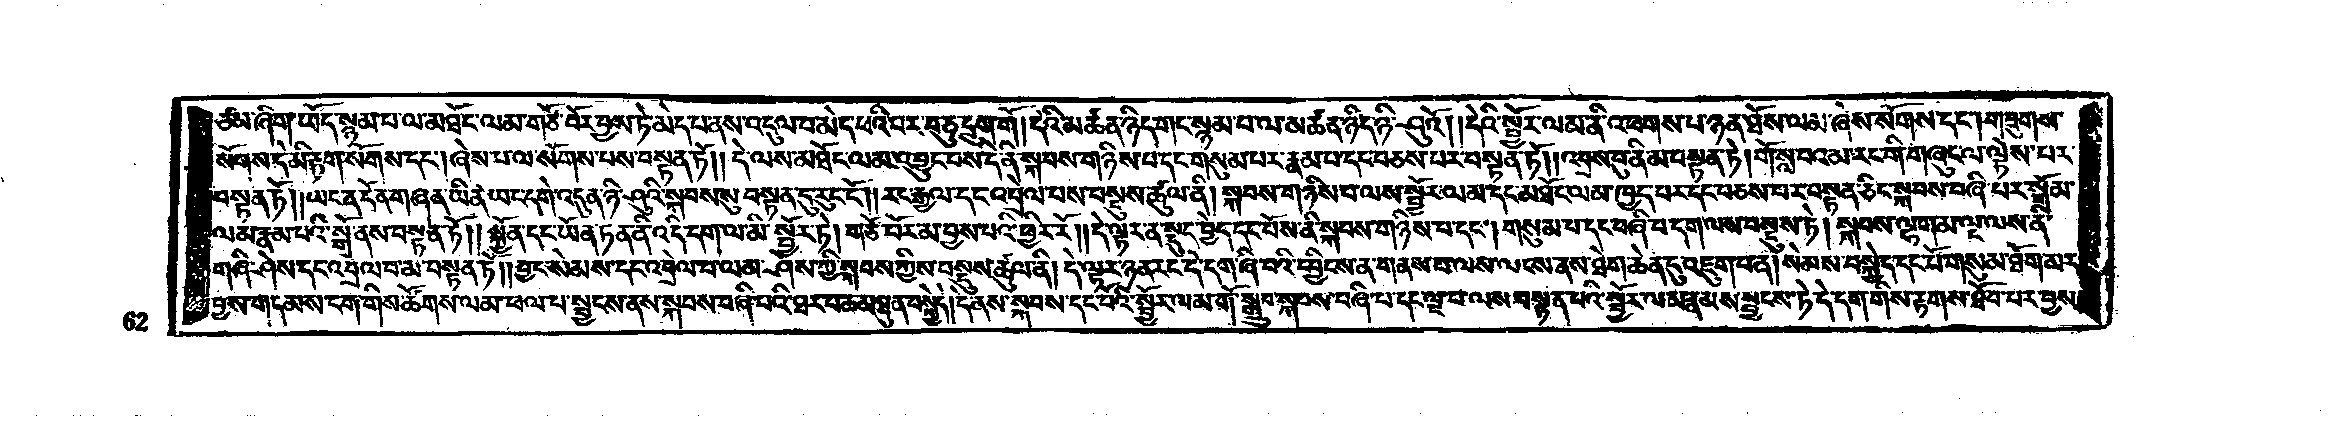ཙམ་ཞིག་ཡོད་སྙམ་པ་ལ་མཐོང་ལམ་གཙོ་བོར་བྱས་ཏེ་མེད་པ་ནས་འདུལ་བ་མེད་པའི་བར་བཅུ་དྲུག་གོ །དེའི་མཚན་ཉིད་གང་སྙམ་པ་ལ་མཚན་ཉིད་ཉི་ཤུའོ། །དེའི་སྦྱོར་ལམ་ནི་འཕགས་པ་ཉན་ཐོས་ལམ་ཞེས་སོགས་དང་། གཟུགས་
སོགས་དེ་མི་རྟག་སོགས་དང་། ཞེས་པ་ལ་སོགས་པས་བསྟན་ཏོ། །དེ་ལས་མཐོང་ལམ་འབྱུང་བས་དེ་ནི་སྐབས་གཉིས་པ་དང་གསུམ་པར་རྣམ་པ་དང་བཅས་པར་བསྟན་ཏོ། །འབྲས་བུ་ནི་མ་བསྟན་ཏེ། གོ་སླ་བའམ་རང་གི་གཞུང་ལ་ལྟོས་པར་
བསྟན་ཏོ། །ཡང་ན་དོན་གཞན་ཡིན་ཡང་དགེ་འདུན་ཉི་ཤུའི་སྐབས་སུ་བསྟན་དུ་རུང་ངོ། །རང་རྒྱལ་དང་འབྲེལ་བས་བསྡུས་ཚུལ་ནི། སྐབས་གཉིས་པ་ལས་སྦྱོར་ལམ་དང་མཐོང་ལམ་ཁྱད་པར་དང་བཅས་པར་བསྟན་ཅིང་སྐབས་བཞི་པར་སྒོམ་
ལམ་རྣམ་པའི་སྒོ་ནས་བསྟན་ཏོ། །སྐྱོན་དང་ཡོན་ཏན་ནི་འདི་དག་ལ་མི་སྦྱོར་ཏེ། གཙོ་བོར་མ་བྱས་པའི་ཕྱིར་རོ། །དེ་ལྟར་ན་སྡུད་བྱེད་དང་པོས་ནི་སྐབས་གཉིས་པ་དང་། གསུམ་པ་དང་བཞི་པ་དག་ལས་བསྡུས་ཏེ། སྐབས་ལྷག་མ་ལྔ་ལས་ནི་
གཞི་ཤེས་དང་འབྲེལ་བ་མ་བསྟན་ཏོ། །བྱང་སེམས་དང་འབྲེལ་བ་ལམ་ཤེས་ཀྱི་སྐབས་ཀྱིས་བསྡུས་ཚུལ་ནི། དེ་ལྟར་ཉན་རང་དེ་དག་ཞི་བའི་དབྱིངས་ན་གནས་པ་ལས་ལངས་ནས་ཐེག་ཆེན་དུ་འཇུག་པ་ན། སེམས་བསྐྱེད་དང་པོ་གསུམ་ཐོག་མར་
བྱས་གདམས་ངག་གིས་ཚོགས་ལམ་ཕལ་པ་སྦྱངས་ནས་སྐབས་བཞི་པའི་ཐར་པ་ཆ་མཐུན་བསྐྱེད་དེ། དེ་ནས་སྐབས་དང་པོའི་སྦྱོར་ལམ་གོ་སྒྲུབ་སྐབས་བཞི་པ་དང་ལྔ་པ་ལས་བསྟན་པའི་སྦྱོར་ལམ་རྣམས་སྦྱངས་ཏེ་དེ་དག་གིས་རྟགས་ཐོབ་པར་བྱས་